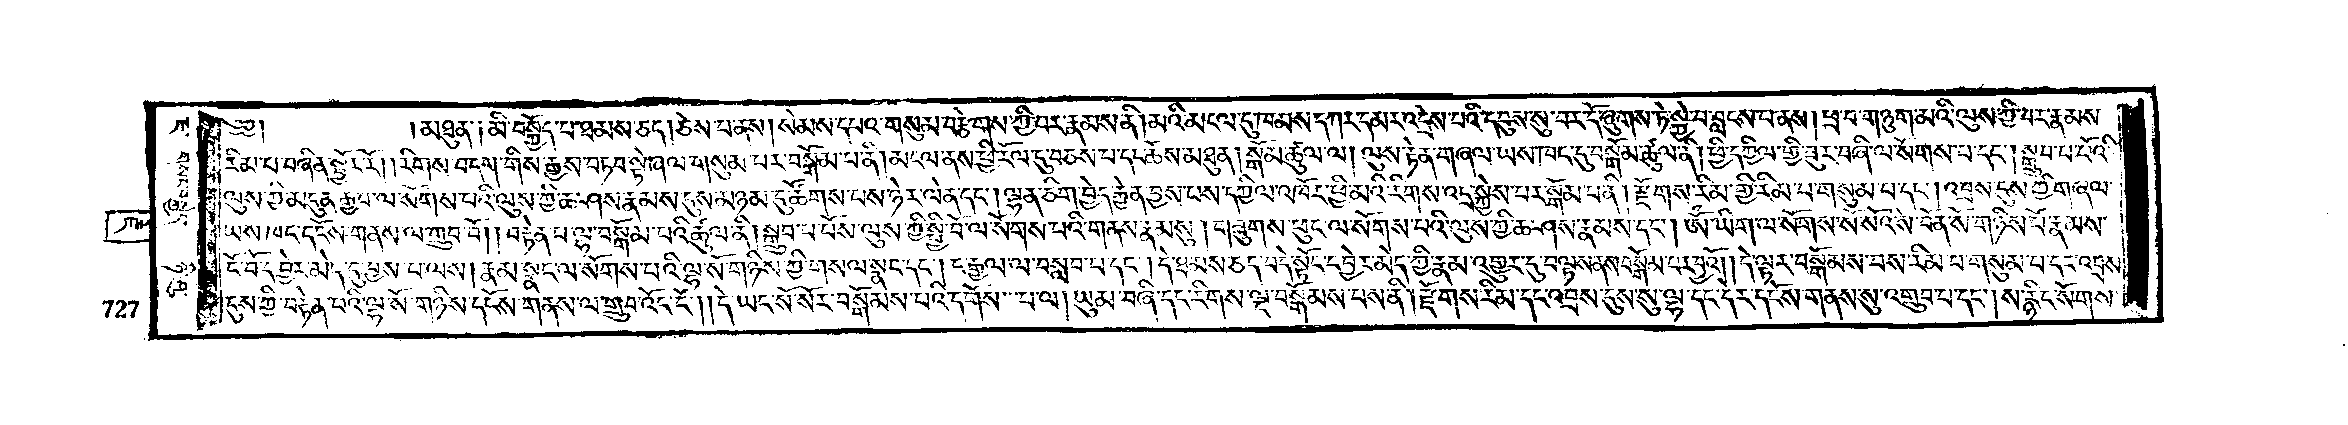༄༅། །མཐུན་༑མི་བསྐྱོད་པ་ཐམས་ཅད། ཅེས་པ་ནས། སེམས་དཔའ་གསུམ་བརྩེགས་ཀྱི་བར་རྣམས་ནི། མའི་མངལ་དུ་ཁམས་དཀར་དམར་འདྲེས་པའི་དབུས་སུ་བར་དོ་ཞུགས་ཏེ་སྐྱེ་བ་བླངས་པ་ནས། ཕྲ་བ་གཉུག་མའི་ལུས་ཀྱི་བར་རྣམས་
རིམ་པ་བཞིན་སྦྱོར་རོ། །རིགས་བདག་གིས་རྒྱས་བཏབ་སྟེ་ཞལ་གསུམ་པར་བསྒོམ་པ་ནི། མངལ་ནས་ཕྱི་རོལ་དུ་བཅས་པ་དང་ཆོས་མཐུན། སྒོམ་ཚུལ་ལ། ལུས་རྟེན་གཞལ་ཡས་ཁང་དུ་བསྒོམ་ཚུལ་ནི། ཕྱི་དཀྱིལ་གྱི་ཟུར་བཞི་ལ་སོགས་པ་དང་། སྒྲུབ་པ་པོའི་
ལུས་ཀྱི་མདུན་རྒྱབ་ལ་སོགས་པའི་ལུས་ཀྱི་ཆ་ཤས་རྣམས་དུས་མཉམ་དུ་ཚོགས་པས་ཉེར་ལེན་དང་། ལྷན་ཅིག་བྱེད་རྐྱན་བྱས་པས་དཀྱིལ་འཁོར་ཕྱི་མའི་རིགས་འདྲ་སྐྱེས་བར་སྒོམ་པ་ནི། རྫོགས་རིམ་གྱི་རིམ་པ་གསུམ་པ་དང་། འབྲས་དུས་ཀྱི་གཞལ་
ཡས་ཁང་དངོས་གནས་ལ་གྲུབ་བོ། །བརྟེན་པ་ལྷ་བསྒོམ་པའི་ཚུལ་ནི། སྒྲུབ་པ་པོས་ལུས་ཀྱི་སྤྱི་བོ་ལ་སོགས་པའི་གནས་རྣམས་སུ། གཟུགས་ཕུང་ལ་སོགས་པའི་ལུས་ཀྱི་ཆ་ཤས་རྣམས་དང་། ཨོཾ་ཡིག་ལ་སོགས་སོ་སོའི་ས་བོན་སོ་གཉིས་པོ་རྣམས་
ངོ་བོ་དབྱེར་མེད་དུ་བྱས་པ་ལས། རྣམ་སྣང་ལ་སོགས་པའི་ལྷ་སོ་གཉིས་ཀྱི་གསལ་སྣང་དང་། ང་རྒྱལ་ལ་བསླབ་པ་དང་། དེ་ཐམས་ཅད་བདེ་སྟོང་དབྱེར་མེད་ཀྱི་རྣམ་འགྱུར་དུ་བལྟས་ནས་བསྒོམ་པར་བྱའོ། །དེ་ལྟར་བསྒོམས་བས་རིམ་པ་གསུམ་པ་དང་འབྲས་
དུས་ཀྱི་བརྟེན་པའི་ལྷ་སོ་གཉིས་དངོས་གནས་ལ་གྲུབ་འོང་ངོ། །དེ་ཡང་སོ་སོར་བསྒོམ་པའི་དགོས་པ་ལ། ཡུམ་བཞི་དང་རིགས་ལྔ་བསྒོམས་པས་ནི། རྫོགས་རིམ་དང་འབྲས་དུས་སུ་ལྷ་དང་དེར་དངོས་གནས་སུ་འགྲུབ་པ་དང་། ས་རྙིང་སོགས་